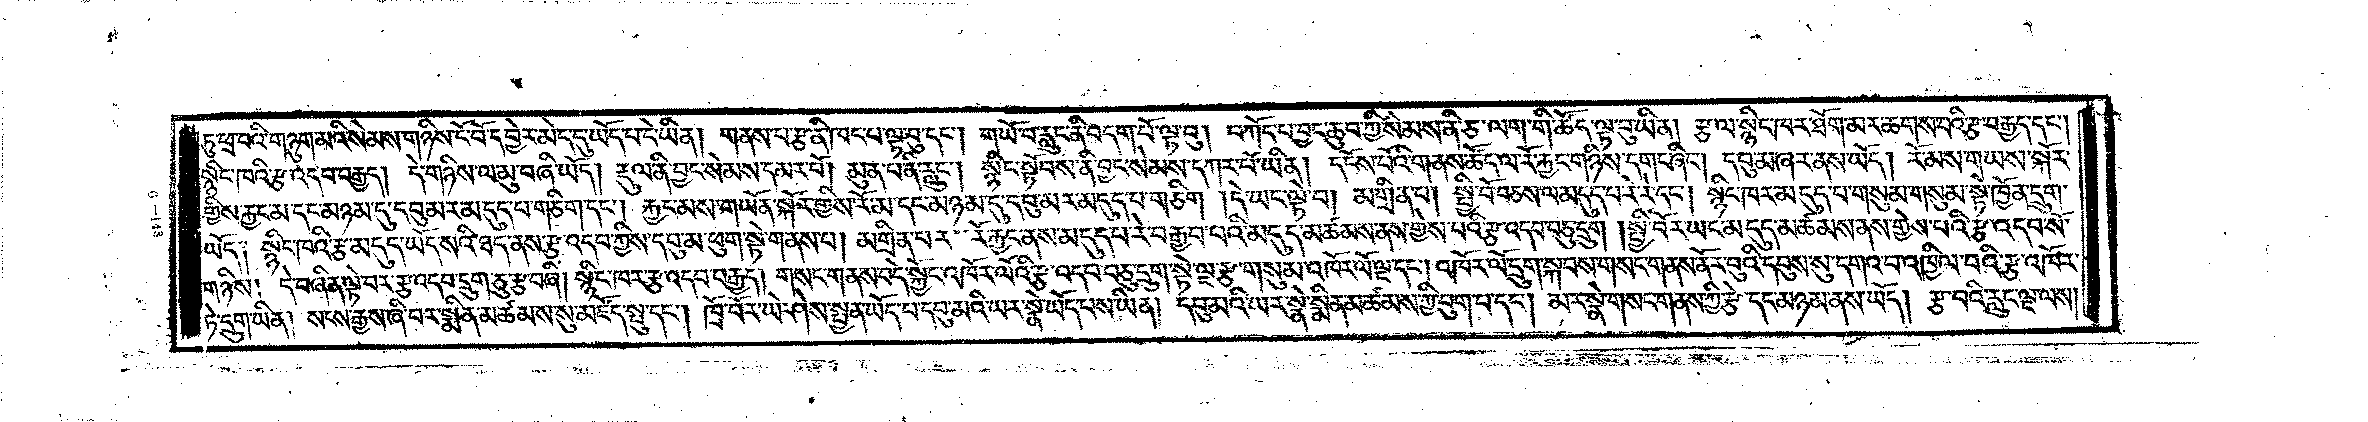ཏུ་ཕྲ་བའི་གཉུག་མའི་སེམས་གཉིས་ངོ་བོ་དབྱེར་མེད་དུ་ཡོད་པ་དེ་ཡིན། གནས་པ་རྩ་ནི་ཁང་པ་ལྟ་བུ་དང་། གཡོ་བ་རླུང་ནི་བདག་པོ་ལྟ་བུ། བཀོད་པ་བྱང་ཆུབ་ཀྱི་སེམས་ནི་ཅ་ལག་གི་ཚོད་ལྟ་བུ་ཡིན། རྩལ་སྙིང་ཁར་ཐོག་མར་ཆགས་བའི་རྩ་བརྒྱད་དང་།
སྙིང་ཁའི་རྩ་འདབ་བརྒྱད། དེ་གཉིས་ལ་མུ་བཞི་ཡོད། རྡུལ་ནི་བྱང་སེམས་དམར་པོ། མུན་པ་ནི་རླུང་། སྙིང་སྟོབས་ནི་བྱང་སེམས་དཀར་པོ་ཡིན། དངོས་པོའི་གནས་ཚོད་ལ་རོ་རྐྱང་གཉིས་དགང་ཞིང་། དབུ་མ་ཞར་ནས་ཡོད། རོ་མས་གཡས་སྐོར་
གྱིས་རྐྱང་མ་དང་མཉམ་དུ་དབུ་མར་མདུད་པ་གཅིག་དང་། རྐྱང་མས་གཡོན་སྐོར་གྱིས་རོ་མ་དང་མཉམ་དུ་དབུ་མར་མདུད་པ་གཅིག །དེ་ཡང་ལྟེ་བ། མགྲིན་པ། སྤྱི་བོ་བཅས་ལ་མདུད་པ་རེ་རེ་དང་། སྙིང་ཁར་མདུད་པ་གསུམ་གསུམ་སྟེ་ཁྱོན་དྲུག་
ཡོད༑ སྙིང་ཁའི་རྩ་མདུད་ཡོད་སའི་ཐད་ནས་རྩ་འདབ་ཀྱིས་དབུ་མ་ཕུག་སྟེ་གནས་པ། མགྲིན་པར་རོ་རྐྱང་ནས་མདུད་པ་རེ་བ་རྒྱབ་པའི་མདུད་མཚམས་ནས་གྱེས་པའི་རྩ་འདབ་བཅུ་དྲུག །སྤྱི་བོར་ཡང་མདུད་མཚམས་ནས་གྱེས་པའི་རྩ་འདབ་སོ་
གཉིས། དེ་བཞིན་ལྟེ་བར་རྩ་འདབ་དྲུག་ཅུ་རྩ་བཞི། སྙིང་ཁར་རྩ་འདབ་བརྒྱད། གསང་གནས་བདེ་སྐྱོང་འཁོར་ལོའི་རྩ་འདབ་བཅུ་དྲུག་སྟེ་ལྔ་རྩ་གསུམ་འཁོར་ལོ་ལྔ་དང་། འཁོར་ལོ་དྲུག་སྐབས་གསང་གནས་ནོར་བུའི་དབུས་སུ་དགའ་བ་འཁྱིལ་བའི་རྩ་འཁོར་
ཏེ་དྲུག་ཡིན། སངས་རྒྱས་ཞི་པར་སྨིན་མཚམས་སུ་མཛོད་སྤུ་དང་། ཁྲོ་བོར་ཡེ་ཤེས་སྤྱན་ཡོད་པ་དབུ་མའི་ཡར་སྣེ་ཡོད་པས་ཡིན། དབུ་མའི་ཡར་སྣེ་སྨིན་མཚམས་ཀྱི་བུག་པ་དང་། མར་སྣེ་གསང་གནས་ཀྱི་རྩེ་དང་མཉམ་ནས་ཡོད། རྩ་བའི་རླུང་ལྔ་ལས།